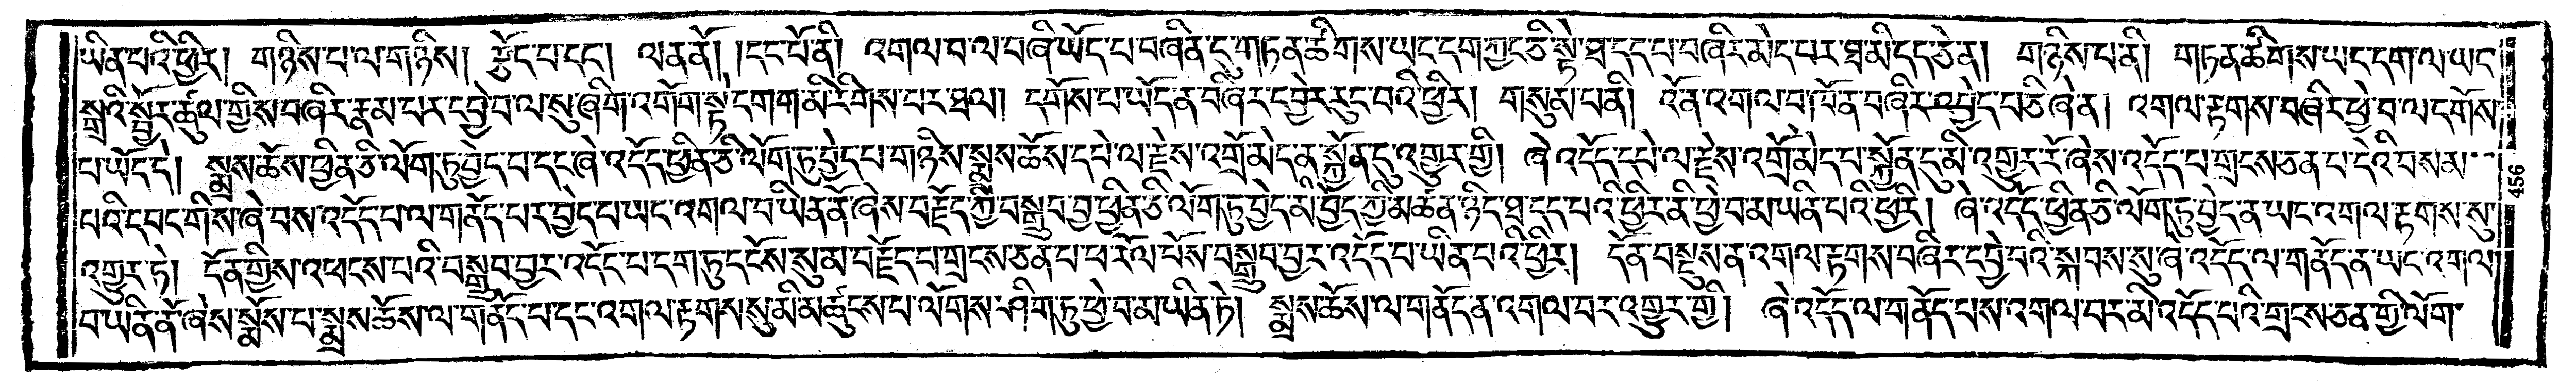ཡིན་པའི་ཕྱིར། གཉིས་པ་ལ་གཉིས། རྩོད་པ་དང་། ལན་ནོ། །དང་པོ་ནི། འགལ་བ་ལ་བཞི་ཡོད་པ་བཞིན་དུ་གཏན་ཚིགས་ཡང་དག་ཀྱང་ཅི་སྟེ་ཐ་དད་པ་བཞིར་མེད་པར་ཐ་མི་དད་ཅེ་ན། གཉིས་པ་ནི། གཏན་ཚིགས་ཡང་དག་ལ་ཡང་
སྒྲའི་སྦྱོར་ཚུལ་གྱིས་བཞིར་རྣམ་པར་དབྱེ་བ་ལ་སུ་ཞིག་འགོག་སྟེ་དགག་མི་རིགས་པར་ཐལ། དགོས་པ་ཡོད་ན་བཞིར་དབྱེར་རུང་བའི་ཕྱིར། གསུམ་པ་ནི། འོ་ན་འགལ་བ་ཁོ་ན་བཞིར་འབྱེད་པ་ཅི་ཞེ་ན། འགལ་རྟགས་བཞིར་ཕྱེ་བ་ལ་དགོས་
པ་ཡོད་དེ། སྨྲས་ཆོས་ཕྱིན་ཅི་ལོག་ཏུ་བྱེད་པ་དང་ཞེ་འདོད་ཕྱིན་ཅི་ལོག་ཏུ་བྱེད་པ་གཉིས་སྨྲས་ཆོས་དཔེ་ལ་རྗེས་འགྲོ་མེད་ན་སྐྱོན་དུ་འགྱུར་གྱི། ཞེ་འདོད་དཔེ་ལ་རྗེས་འགྲོ་མེད་པ་སྐྱོན་དུ་མི་འགྱུར་རོ་ཞེས་འདོད་པ་གྲངས་ཅན་པ་དེའི་བསམ་
པའི་དབང་གིས་ཞེ་བས་འདོད་པ་ལ་གནོད་པར་བྱེད་པ་ཡང་འགལ་བ་ཡིན་ནོ་ཞེས་བརྗོད་ཀྱི་བསྒྲུབ་བྱ་ཕྱིན་ཅི་ལོག་ཏུ་བྱེད་མི་བྱེད་ཀྱི་མཚན་ཉིད་ཐ་དད་པའི་ཕྱིར་ནི་ཕྱེ་བ་མ་ཡིན་པའི་ཕྱིར། ཞེ་འདོད་ཕྱིན་ཅི་ལོག་ཏུ་བྱེད་ན་ཡང་འགལ་རྟགས་སུ་
འགྱུར་ཏེ། དོན་གྱིས་འཕངས་པའི་བསྒྲུབ་བྱར་འདོད་པ་དག་ཏུ་དངོས་སུམ་བརྗོད་པ་གྲངས་ཅན་པ་ཕ་རོལ་པོས་བསྒྲུབ་བྱར་འདོད་པ་ཡིན་པའི་ཕྱིར། དོན་བསྡུས་ན་འགལ་རྟགས་བཞིར་དབྱེ་བའི་སྐབས་སུ་ཞེ་འདོད་ལ་གནོད་ན་ཡང་འགལ་
བ་ཡིན་ནོ་ཞེས་སྨོས་པ་སྨྲས་ཆོས་ལ་གནོད་པ་དང་འགལ་རྟགས་སུ་མི་མཚུངས་པ་ལོགས་ཤིག་ཏུ་ཕྱེ་བ་མ་ཡིན་ཏེ། སྨྲས་ཆོས་ལ་གནོད་ན་འགལ་བར་འགྱུར་གྱི། ཞེ་འདོད་ལ་གནོད་པས་འགལ་བར་མི་འདོད་པའི་གྲངས་ཅན་གྱི་ལོག་